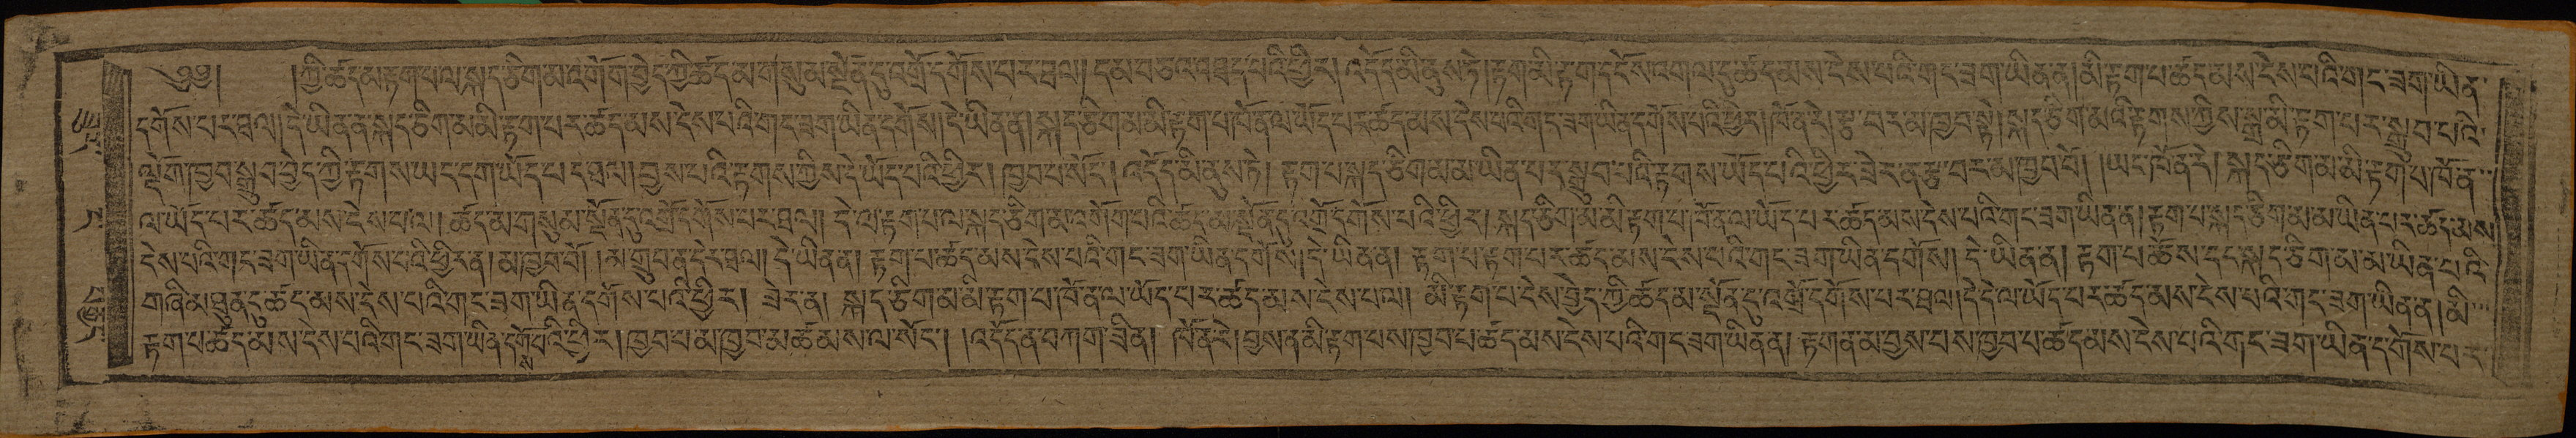༄༅། །ཀྱི་ཚད་མ་རྟག་པ་ལ་སྐད་ཅིག་མ་འགོག་བྱེད་ཀྱི་ཚད་མ་གསུམ་སྔོན་དུ་འགྲོ་དགོས་པར་ཐལ། དམ་བཅའ་འཐད་པའི་ཕྱིར། འདོད་མི་ནུས་ཏེ། རྟག་མི་རྟག་དངོས་འགལ་དུ་ཚད་མས་ངེས་པའི་གང་ཟག་ཡིན་ན། མི་རྟག་པ་ཚད་མས་ངེས་པའི་གང་ཟག་ཡིན་
དགོས་པར་ཐལ། དེ་ཡིན་ན་སྐད་ཅིག་མ་མི་རྟག་པར་ཚད་མས་ངེས་པའི་གང་ཟག་ཡིན་དགོས། དེ་ཡིན་ན། སྐད་ཅིག་མ་མི་རྟག་པ་ཁོ་ན་ལ་ཡོད་པར་ཚད་མས་ངེས་པའི་གང་ཟག་ཡིན་དགོས་པའི་ཕྱིར། ཁོ་ན་རེ། རྩ་བར་མ་ཁྱབ་སྟེ། སྐད་ཅིག་མའི་རྟགས་ཀྱིས་སྒྲ་མི་རྟག་པར་སྒྲུབ་པའི་
ལྡོག་ཁྱབ་སྒྲུབ་བྱེད་ཀྱི་རྟགས་ཡང་དག་ཡོད་པར་ཐལ། བྱས་པའི་རྟགས་ཀྱིས་དེ་ཡོད་པའི་ཕྱིར། ཁྱབ་པ་སོང་། འདོད་མི་ནུས་ཏེ། རྟག་པ་སྐད་ཅིག་མ་མ་ཡིན་པར་སྒྲུབ་པའི་རྟགས་ཡོད་པའི་ཕྱིར་ཟེར་ན་རྩ་བར་མ་ཁྱབ་བོ། །ཡང་ཁོ་ན་རེ། སྐད་ཅིག་མ་མི་རྟག་པ་ཁོ་ན་
ལ་ཡོད་པར་ཚད་མས་ངེས་པ་ལ། ཚད་མ་གསུམ་སྔོན་དུ་འགྲོ་དགོས་པར་དྷལ། དེ་ལ་རྟག་པ་ལ་སྐད་ཅིག་མ་འགོག་པའི་ཚད་མ་སྔོན་དུ་འགྲོ་དགོས་པའི་ཕྱིར། སྐད་ཅིག་མ་མི་རྟག་པ་ཁོ་ན་ལ་ཡོད་པར་ཚད་མས་ངེས་པའི་གང་ཟག་ཡིན་ན། རྟག་པ་སྐད་ཅིག་མ་མ་ཡིན་པར་ཚད་མས་
ངེས་པའི་གང་ཟག་ཡིན་དགོས་པའི་ཕྱིར་ན། མ་ཁྱབ་བོ། །མ་གྲུབ་ན་དེར་ཐལ། དེ་ཡིན་ན། རྟག་པ་ཚད་མས་ངེས་པའི་གང་ཟག་ཡིན་དགོས། དེ་ཡིན་ན། རྟག་པ་རྟག་པར་ཚད་མས་ངེས་པའི་གང་ཟག་ཡིན་དགོས། དེ་ཡིན་ན། རྟག་པ་ཆོས་དང་སྐད་ཅིག་མ་མ་ཡིན་པའི་
གཞི་མཐུན་དུ་ཚད་མས་ངེས་པའི་གང་ཟག་ཡིན་དགོས་པའི་ཕྱིར། ཟེར་ན། སྐད་ཅིག་མ་མི་རྟག་པ་ཁོ་ན་ལ་ཡོད་པར་ཚད་མས་ངེས་པ་ལ། མི་རྟག་པ་ངེས་བྱེད་ཀྱི་ཚད་མ་སྔོན་དུ་འགྲོ་དགོས་པར་ཐལ། དེ་དེ་ལ་ཡོད་པར་ཚད་མས་ངེས་པའི་གང་ཟག་ཡིན་ན། མི་
རྟག་པ་ཚད་མས་ངེས་པའི་གང་ཟག་ཡིན་དགོས་པའི་ཕྱིར། ཁྱབ་པ་མ་ཁྱབ་མཚམས་ལ་སོང་། །འདོད་ན་བཀག་ཟིན། ཁོ་ན་རེ། བྱས་ན་མི་རྟག་པས་ཁྱབ་པ་ཚད་མས་ངེས་པའི་གང་ཟག་ཡིན་ན། རྟག་ན་མ་བྱས་པས་ཁྱབ་པ་ཚད་མས་ངེས་པའི་གང་ཟག་ཡིན་དགོས་པར་